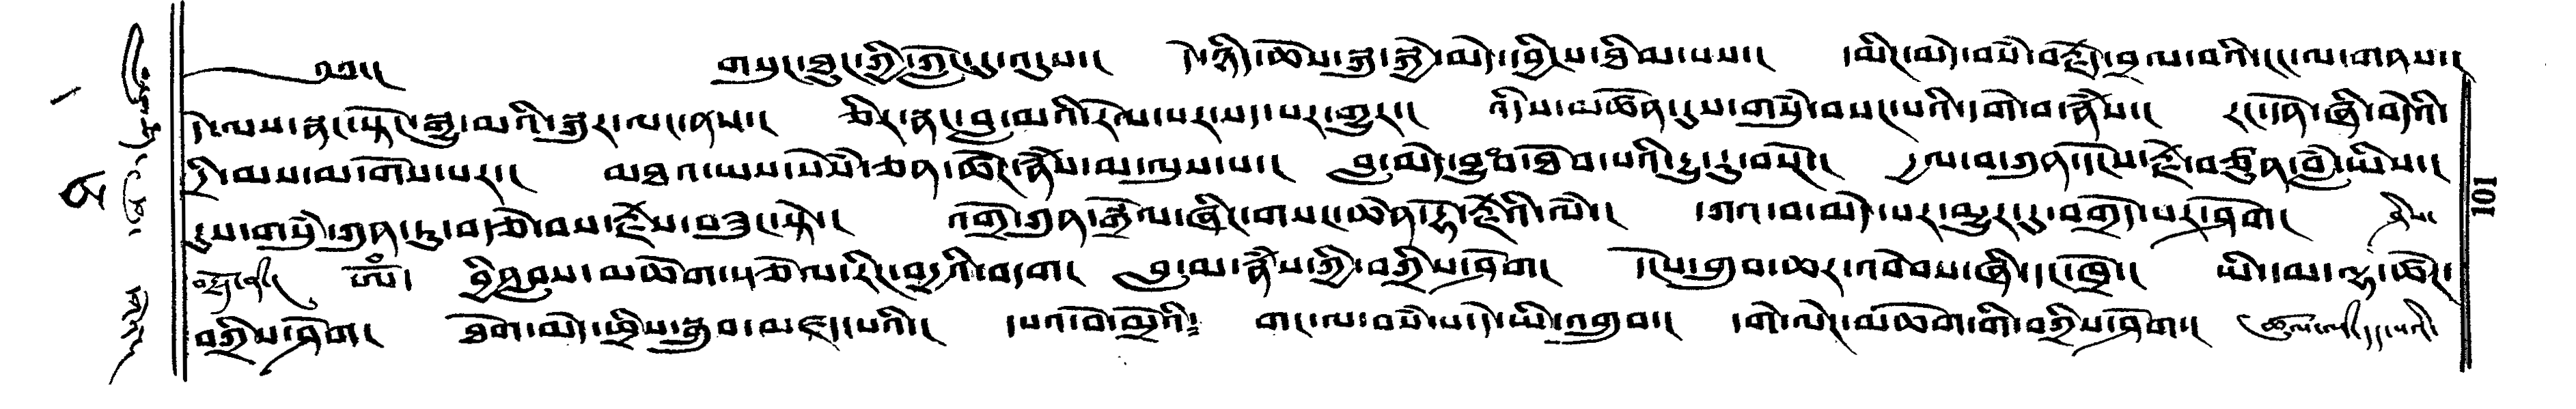གསུང་ཐུགས་ཀྱི་ཀློང་དུ་འདུས། །དེ་ཉིད་ཆོས་སྐུ་སྐྱེ་མེད་དབྱིངས་ཐིམ་པས། །དམིགས་མེད་བསམ་བརྗོད་བྲལ་བའི་ངང་ལ་གནས། །
དེ་ལས་སྣང་སྟོང་སྒྱུ་མའི་སྐུར་ལྡང་ནས། །ཅིར་སྣང་བླ་མའི་རོལ་པར་སད་པར་གྱུར། །འདིས་མཚོན་དུས་གསུམ་བསགས་པའི་དགེ་བ་རྣམས། །རང་དོན་ཞི་བདེའི་
དྲི་མས་མ་གོས་པར། །མཐའ་ཡས་སེམས་ཅན་ཚོགས་རྣམས་མ་ལུས་པ། །བླ་མེད་བྱང་ཆུབ་ཐོབ་པའི་རྒྱུ་རུ་བསྔོ། །རྒྱལ་བ་ཀུན་དངོས་རྗེ་བཙུན་བླ་མ་ཡིས། །
དུས་གསུམ་ཀུན་ཏུ་བརྩེ་བས་རྗེས་བཟུང་སྟེ། །འགྲོ་ཀུན་སྒྲོལ་ཞིང་གསང་ཆེན་རྡོ་རྗེའི་ལམ། །དཀའ་བ་མེད་པར་མྱུར་དུ་བགྲོད་པར་ཤོག ཤིས་
བརྗོད་ནི། ཨོཾ། བྱིན་རླབས་མཆོག་སྩོལ་རིགས་བརྒྱའི་བདག །བླ་མ་རྣམས་ཀྱི་བཀྲ་ཤིས་ཤོག །དངོས་གྲུབ་ཆར་འབེབས་ཞི་དང་ཁྲོ། །ཡི་དམ་ལྷ་ཚོགས་
བཀྲ་ཤིས་ཤོག །ཐོག་མེད་ཕྲིན་ལས་སྒྲུབ་མཛད་པའི། །དཔའ་བོ་མཁའ་འགྲོའི༴ གང་ལ་བསམ་པ་དེ་ཡི་འགྲུབ། །དགེ་ལེགས་མཆོག་གི་བཀྲ་ཤིས་ཤོག ཚུལ་འདི་དད་པའི་